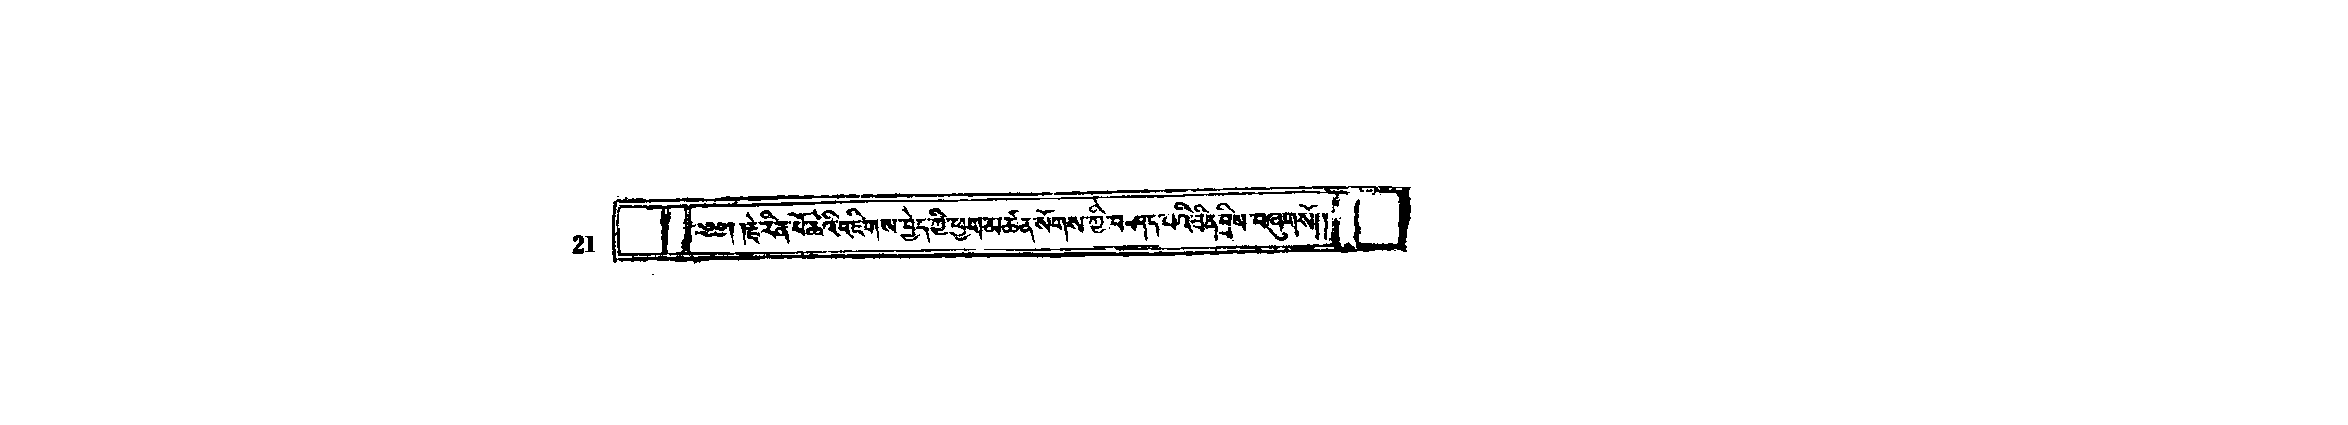༄༅། །རྗེ་རིན་པོ་ཆེའི་འཇིགས་བྱེད་ཀྱི་ཕྱག་མཚན་སོགས་ཀྱི་བཤད་པའི་ཟིན་བྲིས་བཞུགས་སོ། །